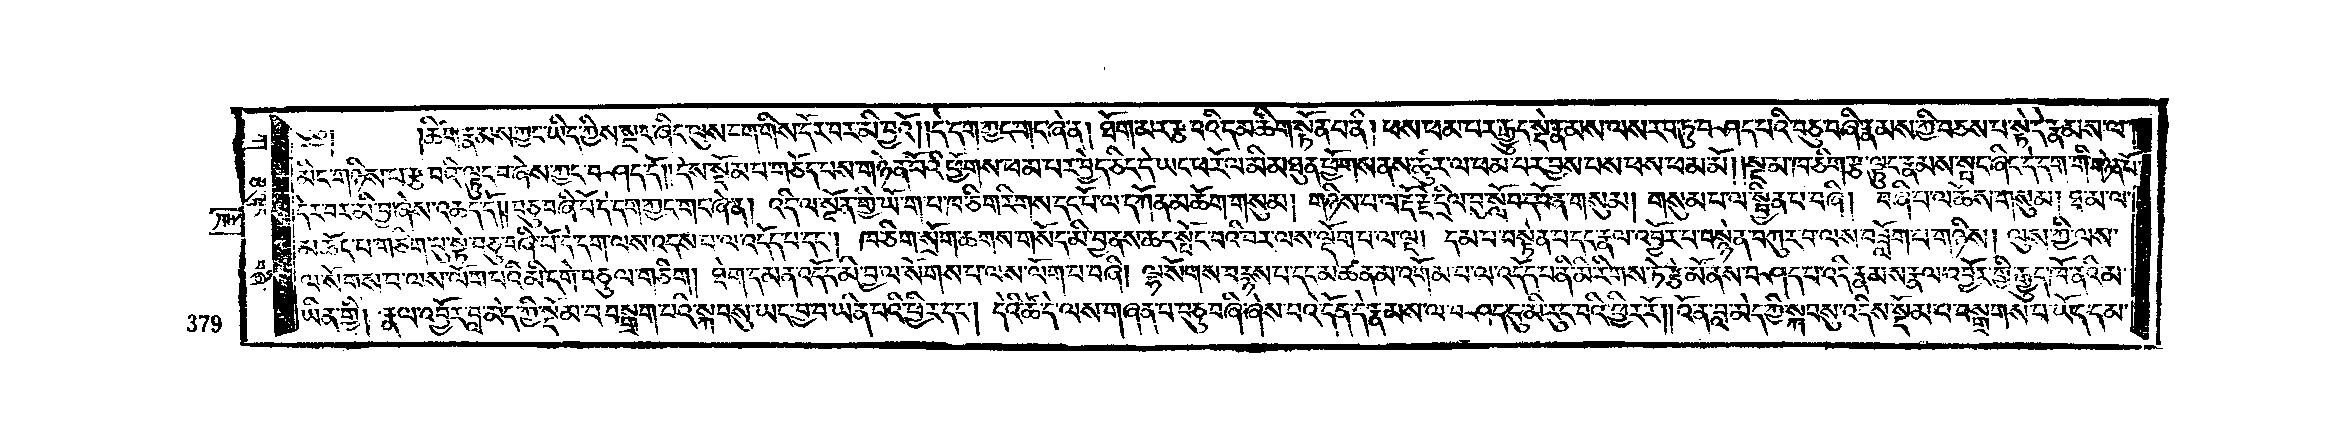༄༅། །ཚིག་རྣམས་ཀྱང་ཡིད་ཀྱིས་སྤང་ཞིང་ལུས་ངག་གིས་དོར་བར་མི་བྱའོ། །དེ་དག་ཀྱང་གང་ཞེ་ན། ཐོག་མར་རྩ་བའི་དམ་ཚིག་སྟོན་པ་ནི། ཕས་ཕམ་པར་རྒྱུད་སྡེ་རྣམས་ལས་རབ་ཏུ་བཤད་པའི་བཅུ་བཞི་རྣམས་ཀྱི་བཅས་པ་སྟེ་དེ་རྣམས་ལ་
མིང་གཉིས་པ་རྩ་བའི་ལྟུང་བ་ཞེས་ཀྱང་བཤད་དོ། །དེས་སྡོམ་པ་གཅོད་པས་གཉེན་པོའི་ཕྱོགས་ཕམ་པར་བྱེད་ཅིང་དེ་ཡང་ཕ་རོལ་མི་མཐུན་ཕྱོགས་ནས་ཚུར་ལ་ཕམ་པར་བྱས་པས་ཕས་ཕམ་མོ། །སྔ་མ་ཁ་ཅིག་རྩ་ལྟུང་རྣམས་སྤང་ཞིང་དེ་དག་གི་གཉེན་པོ་
དེར་བར་མི་བྱ་ཞེས་འཆད་དོ། །བཅུ་བཞི་པོ་དེ་དག་ཀྱང་གང་ཞེ་ན། འདི་ལ་སྔོན་གྱི་ཡོ་ག་པ་ཁ་ཅིག་རིགས་དང་པོ་ལ་དཀོན་མཆོག་གསུམ། གཉིས་པ་ལ་རྡོ་རྗེ་དྲིལ་བུ་སློབ་དཔོན་གསུམ། གསུམ་པ་ལ་སྦྱིན་པ་བཞི། བཞི་པ་ལ་ཆོས་གསུམ། ཐ་མ་ལ་
མཆོད་པ་གཅིག་པུ་སྟེ་བཅུ་བཞི་པོ་དེ་དག་ལས་འདས་པ་ལ་འདོད་པ་དང་། ཁ་ཅིག་སྲོག་ཆགས་གསོད་མི་བྱ་ནས་ཆང་སྤོང་བའི་བར་ལས་ལྡོག་པ་ལ་ལྔ། དམ་པ་བསྟེན་པ་དང་རྣལ་འབྱོར་པ་བསྙེན་བཀུར་བ་ལས་བཟློག་པ་གཉིས། ལུས་ཀྱི་ལས་
ལ་སོགས་པ་ལས་ལོག་པའི་མི་དགེ་བཅུ་ལ་གཅིག །ཐེག་དམན་འདོད་མི་བྱ་ལ་སོགས་པ་ལས་ལོག་པ་བཞི། ལྷ་སོགས་བརྙས་པ་དང་མཚན་མ་འགོམ་པ་ལ་འདོད་པ་ནི་མི་རིགས་ཏེ་རྩེ་མོ་ནས་བཤད་པ་འདི་རྣམས་རྣལ་འབྱོར་གྱི་རྒྱུད་ཁོ་ནའི་མ་
ཡིན་གྱི། རྣལ་འབྱོར་བླ་མེད་ཀྱི་སྡོམ་པ་བསྒྲག་པའི་སྐབས་སུ་ཡང་བྱ་བ་ཡིན་པའི་ཕྱིར་དང་། དེའི་ཚེ་དེ་ལས་གཞན་པ་བཅུ་བཞི་ཞེས་པའི་དོན་དེ་རྣམས་ལ་བཤད་དུ་མི་རུང་བའི་ཕྱིར་རོ། །འོ་ན་བླ་མེད་ཀྱི་སྐབས་སུ་འདིས་སྡོམ་པ་བསྒྲགས་པ་ཡོད་དམ་